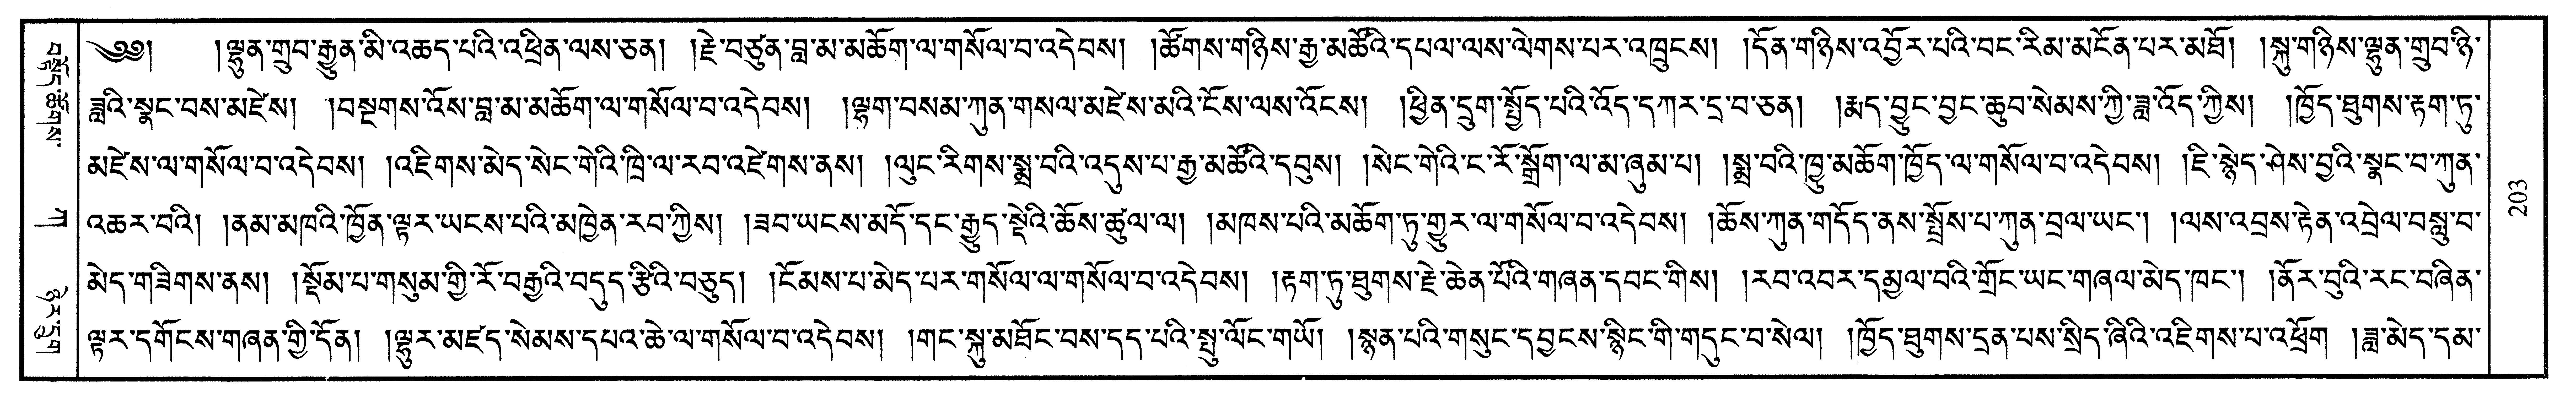༄༅། །ལྷུན་གྲུབ་རྒྱུན་མི་འཆད་པའི་འཕྲིན་ལས་ཅན། །རྗེ་བཙུན་བླ་མ་མཆོག་ལ་གསོལ་བ་འདེབས། །ཚོགས་གཉིས་རྒྱ་མཚོའི་དཔལ་ལས་ལེགས་པར་འཁྲུངས། །དོན་གཉིས་འབྱོར་པའི་བང་རིམ་མངོན་པར་མཐོ། །སྐུ་གཉིས་ལྷུན་གྲུབ་ཉི་
ཟླའི་སྣང་བས་མཛེས། །བསྔགས་འོས་བླ་མ་མཆོག་ལ་གསོལ་བ་འདེབས། །ལྷག་བསམ་ཀུན་གསལ་མཛེས་མའི་ངོས་ལས་འོངས། །ཕྱིན་དྲུག་སྤྱོད་པའི་འོད་དཀར་དྲ་བ་ཅན། །རྨད་བྱུང་བྱང་ཆུབ་སེམས་ཀྱི་ཟླ་འོད་ཀྱིས། །ཁྱོད་ཐུགས་རྟག་ཏུ་
མཛེས་ལ་གསོལ་བ་འདེབས། །འཇིགས་མེད་སེང་གེའི་ཁྲི་ལ་རབ་འཛེགས་ནས། །ལུང་རིགས་སྨྲ་བའི་འདུས་པ་རྒྱ་མཚོའི་དབུས། །སེང་གེའི་ང་རོ་སྒྲོག་ལ་མ་ཞུམ་པ། །སྨྲ་བའི་ཁྱུ་མཆོག་ཁྱོད་ལ་གསོལ་བ་འདེབས། །ཇི་སྙེད་ཤེས་བྱའི་སྣང་བ་ཀུན་
འཆར་བའི། །ནམ་མཁའི་ཁྱོན་ལྟར་ཡངས་པའི་མཁྱེན་རབ་ཀྱིས། །ཟབ་ཡངས་མདོ་དང་རྒྱུད་སྡེའི་ཆོས་ཚུལ་ལ། །མཁས་པའི་མཆོག་ཏུ་གྱུར་ལ་གསོལ་བ་འདེབས། །ཆོས་ཀུན་གདོད་ནས་སྤྲོས་པ་ཀུན་བྲལ་ཡང་། །ལས་འབྲས་རྟེན་འབྲེལ་བསླུ་བ་
མེད་གཟིགས་ནས། །སྡོམ་པ་གསུམ་གྱི་རོ་བརྒྱའི་བདུད་རྩིའི་བཅུད། །ངོམས་པ་མེད་པར་གསོལ་ལ་གསོལ་བ་འདེབས། །རྟག་ཏུ་ཐུགས་རྗེ་ཆེན་པོའི་གཞན་དབང་གིས། །རབ་འབར་དམྱལ་བའི་གྲོང་ཡང་གཞལ་མེད་ཁང་། །ནོར་བུའི་རང་བཞིན་
ལྟར་དགོངས་གཞན་གྱི་དོན། །ལྷུར་མཛད་སེམས་དཔའ་ཆེ་ལ་གསོལ་བ་འདེབས། །གང་སྐུ་མཐོང་བས་དད་པའི་སྤུ་ལོང་གཡོ། །སྙན་པའི་གསུང་དབྱངས་སྙིང་གི་གདུང་བ་སེལ། །ཁྱོད་ཐུགས་དྲན་པས་སྲིད་ཞིའི་འཇིགས་པ་འཕྲོག །ཟླ་མེད་དམ་